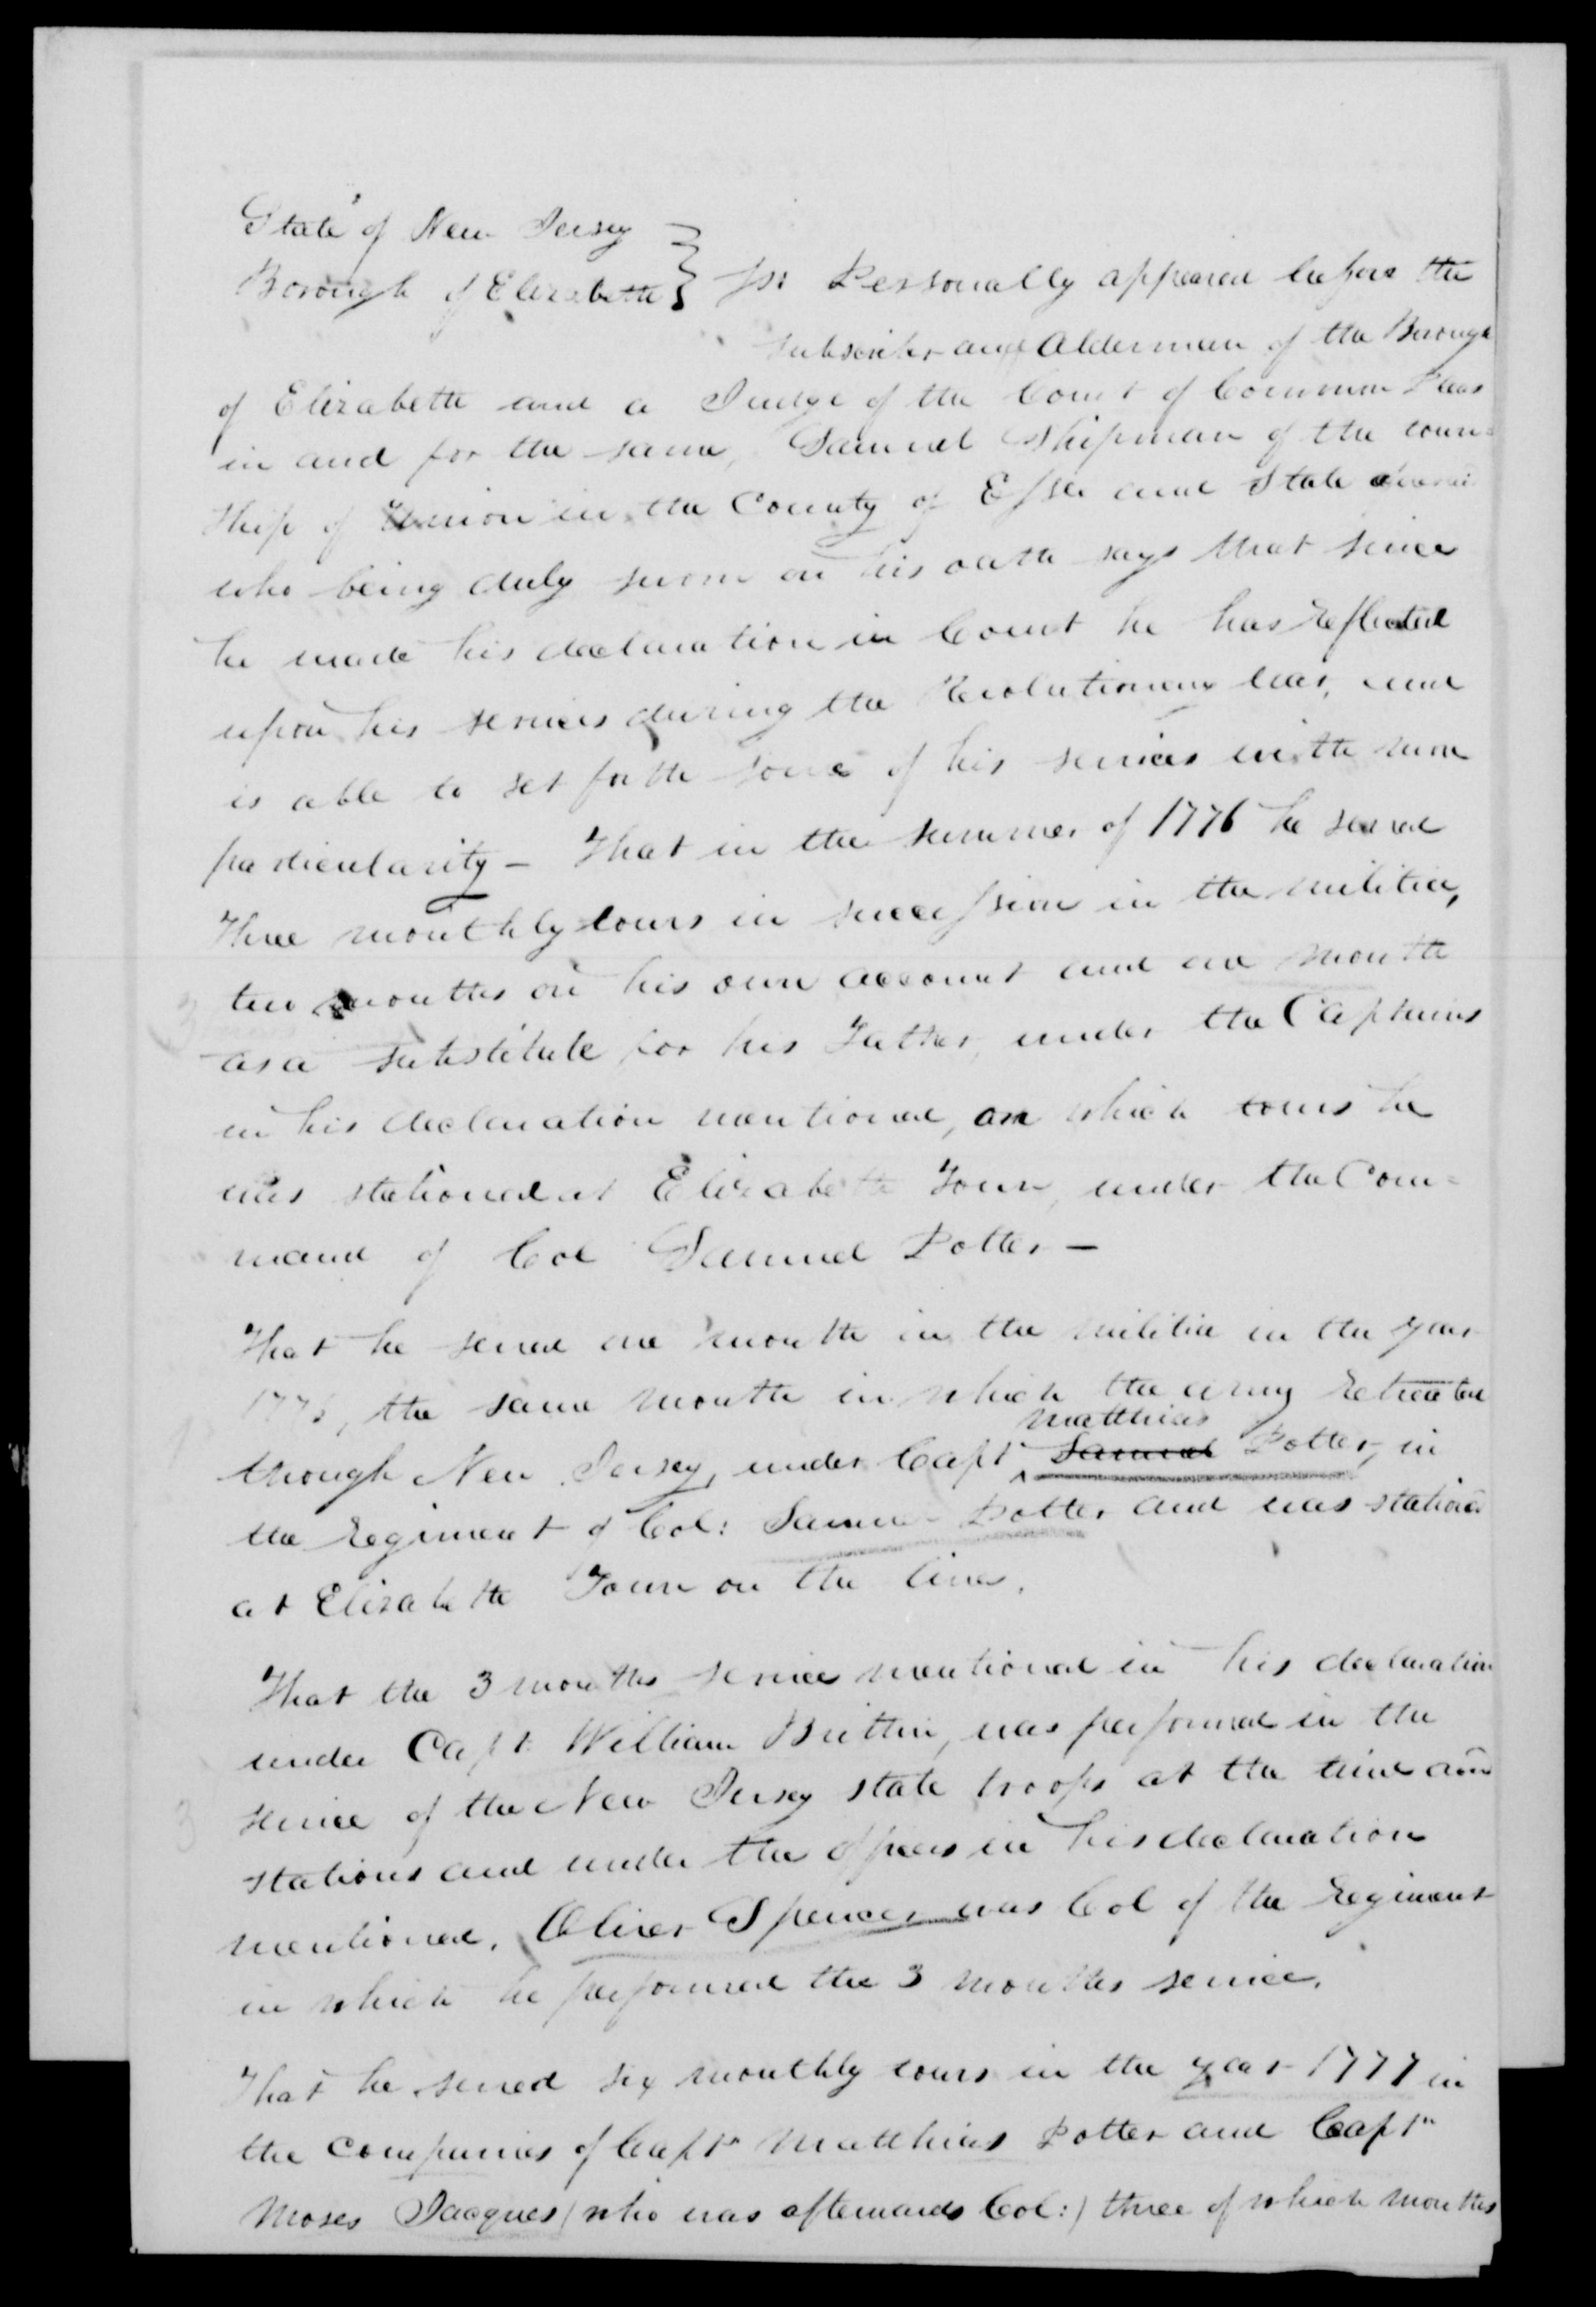State of New Jersey Borough of Elizabeth} Ss: Personally appeared before the subscriber and alderman of the Borough of Elizabeth and a judge of the Court of Common Pleas in and for the same, Samuel Shipman of the township of Union in the County of Essex and State and who being duly sworn on his oath says that since he wrote his declaration in court he has reflected upon his service during the Revolutionary war, and is able to set forth some of his services with some particularity -- that in the summer of 1776 he served three monthly tours in service from in the militia, ten months on his own account and one month as a substitute for his father under the Captains in his declaration mentioned and which tours he was stationed at Elizabeth Town under the command of Col Samuel Potter --
   That he served one month in the militia in the year 1776, the same month in which the enemy retreated through New Jersey, under Capt ["Samuel" crossed out] Matthias Potter in the regiment of Col: Samuel Potter and was stationed at Elizabeth Town on the lines.
   That the 3 months services mentioned in his declaration under Capt. William Brittin was performed in the service of the New Jersey state troops at the time and stations and under the officers in his declaration mentioned.  Oliver Spencer was Col of the regiment in which he performed the 3 months service.
   That he served six monthly tours in the year 1777 in the companies of Capt Matthias Potter and Capt Moses Jacques who was afterwards Col: three of which months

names: Samuel Shipman; Oliver Spencer; Samuel Potter; Moses Jacques; Samuel Potter; William Brittin; Matthias Potter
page: 24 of 44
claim: survivor's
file: S. 912, for Samuel Shipman, New Jersey